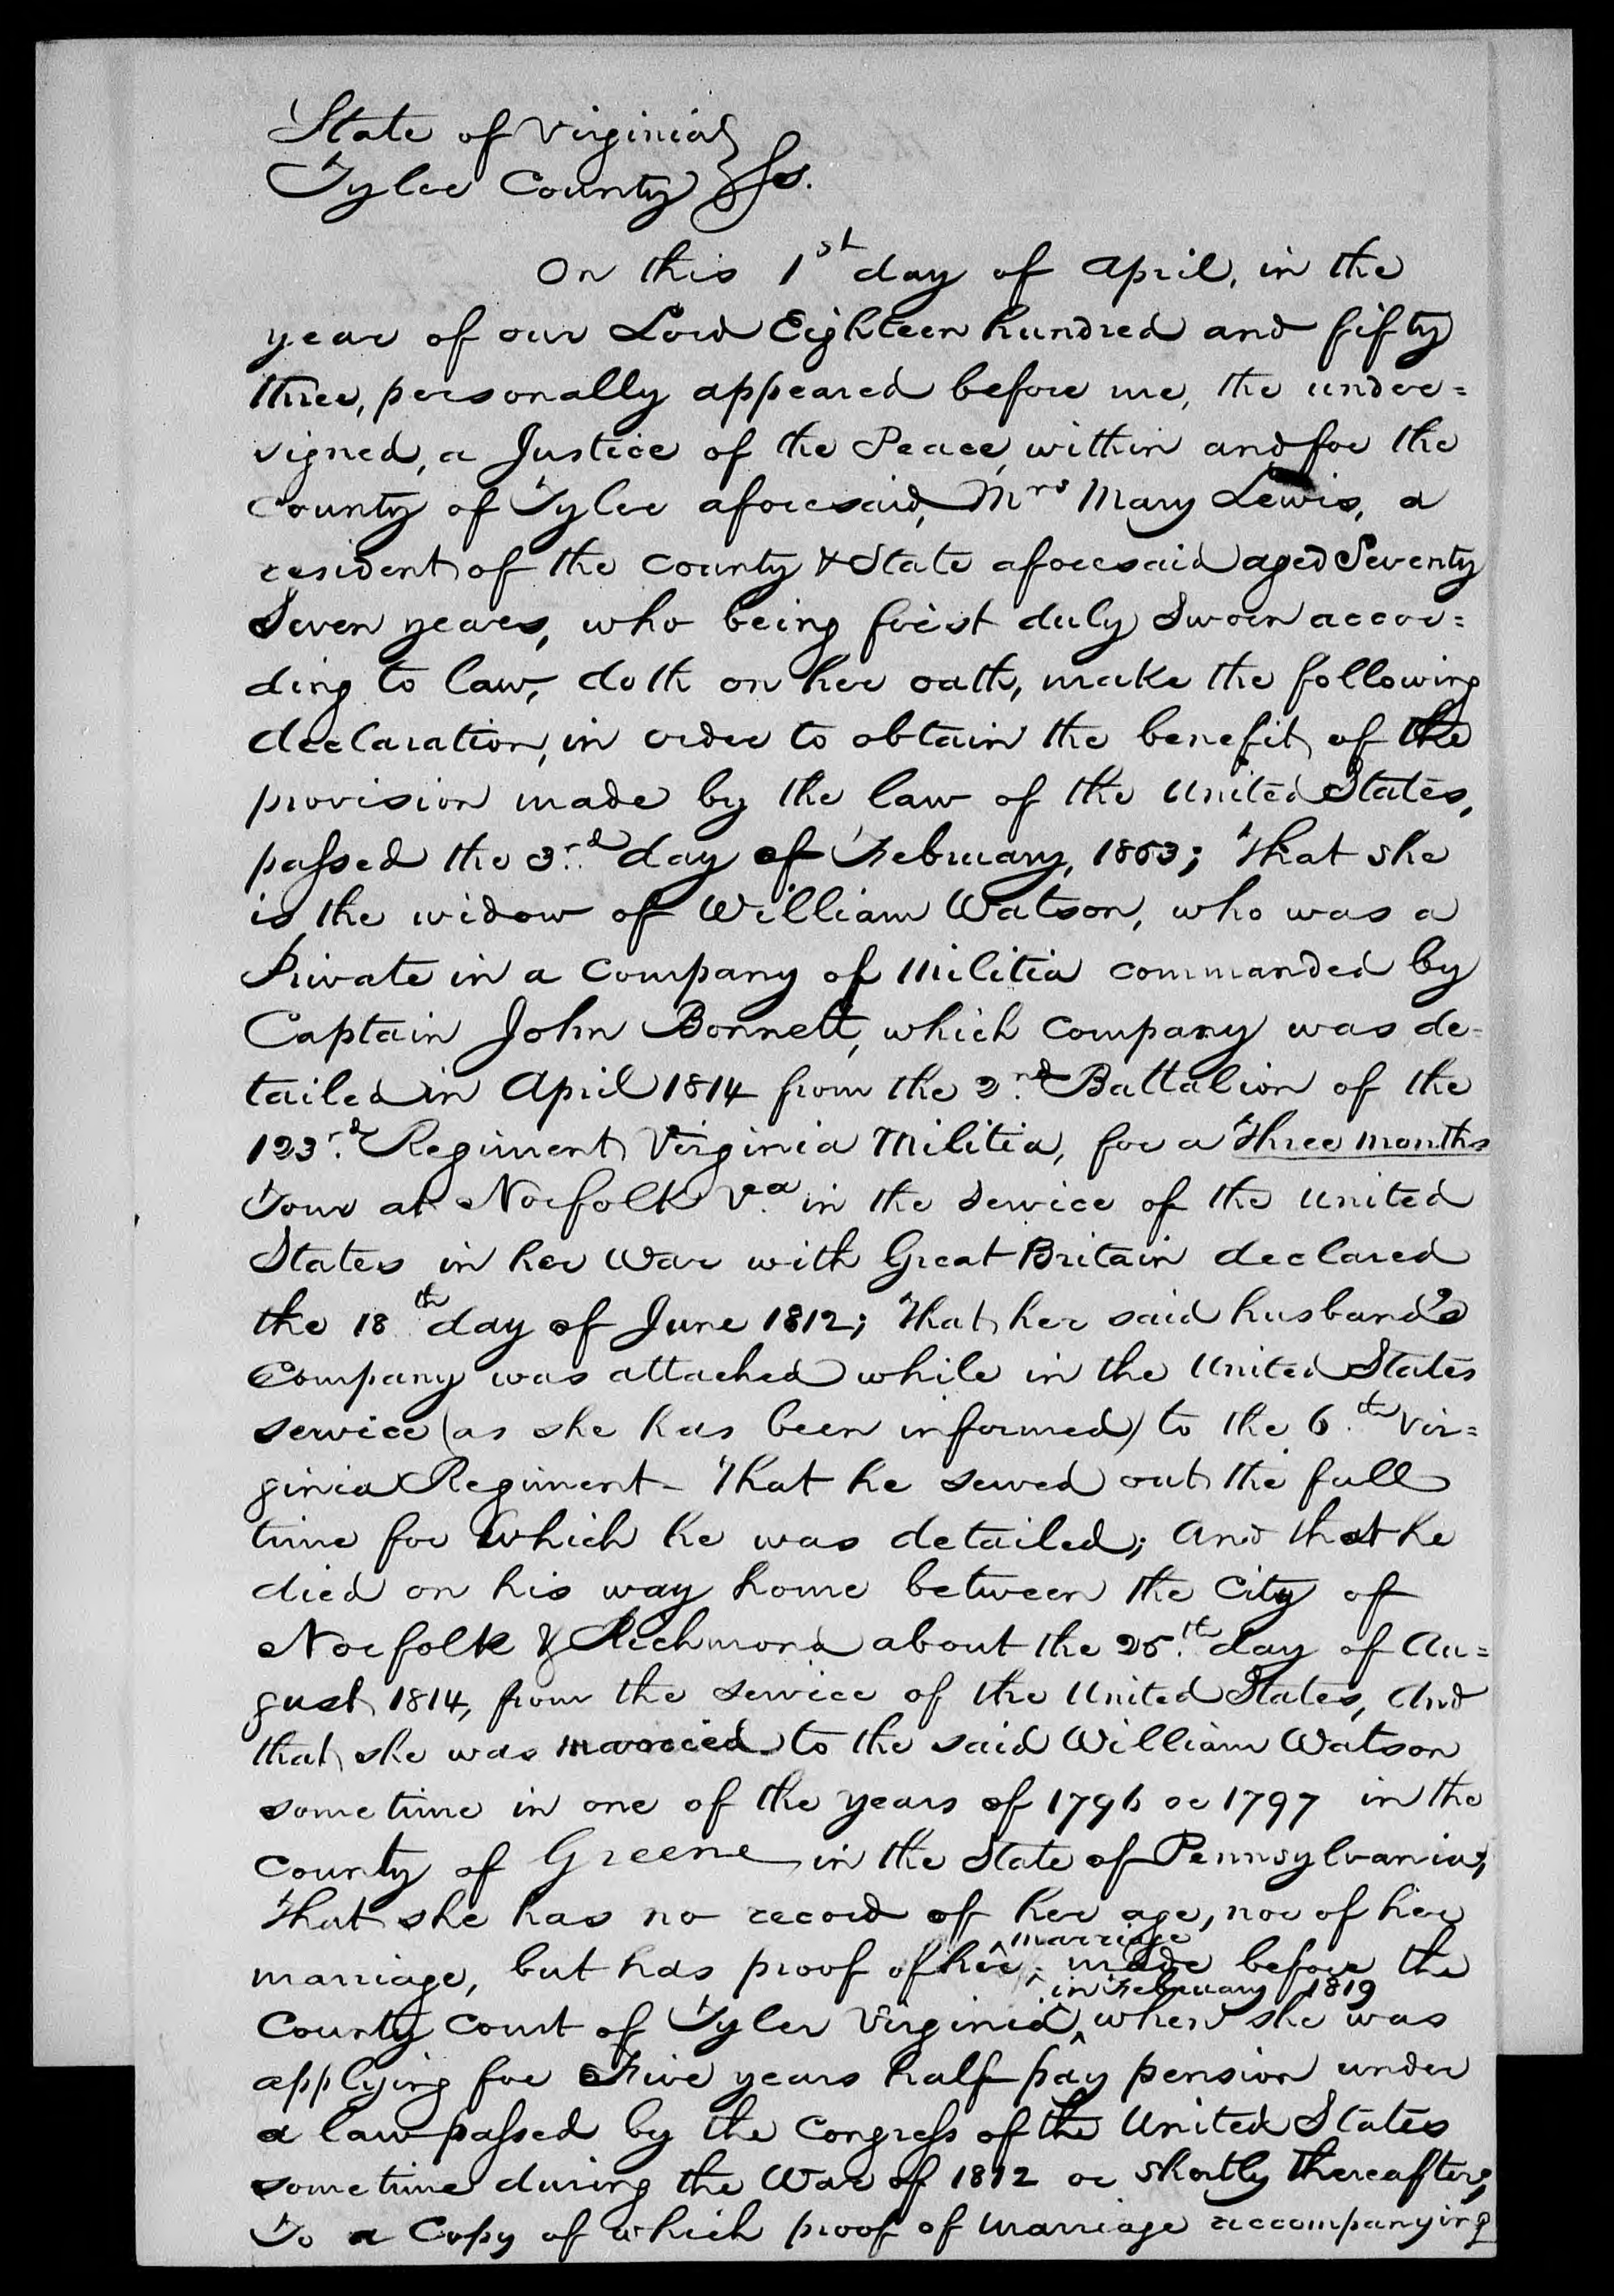State of Virginia Tyler County SS.
On this 1st day of April in the year of our Lord eighteen hundred and fifty three, personally appeared before me, the undersigned, a Justice of the Peace, within and for the county of Tyler aforesaid, Mrs Mary Lewis, a resident of the county & state aforesaid aged seventy seven years, who being first duly sworn according to law, doth on her oath, make the following declaration, in order to obtain the benefit of the provision made by the law of the United States, passed the 3rd day of February 1853; That she is the widow of William Watson, who was a private in a company of militia commanded by Captain John Bonnett, which company was detailed in April 1814 from the 2nd Battalion of the 123rd Regiment Virginia Militia, for a three months tour at Norfolk Va in the service of the United States in Rev War with Great Britain declared the 18th day of June 1812; That her said husband's company was attached while in the United States service (as she has been informed) to the 6th Virginia Regiment. That he served out the full time for which he was detailed; and that he died on his way home between the city of Norfolk & Richmond about the 25th day of August 1814, from the service of the United States, and that she was married to the said William Watson sometime in one of the years of 1796 or 1797 in the county of Greene, in the State of Pennsylvania; That she has no record of her age, nor of her marriage, but has proof of her marriage made before the county court of Tyler Virginia in February 1819 when she was applying for five years half pay pension under a law passed by the Congress of the United States sometime during the War of 1812 or shortly thereafter; To a copy of which proof of marriage accompanying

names: Mary Lewis; John Bonnett; William Watson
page: 5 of 69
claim: widow's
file: W 8044, for Jacob Lewis, Virginia